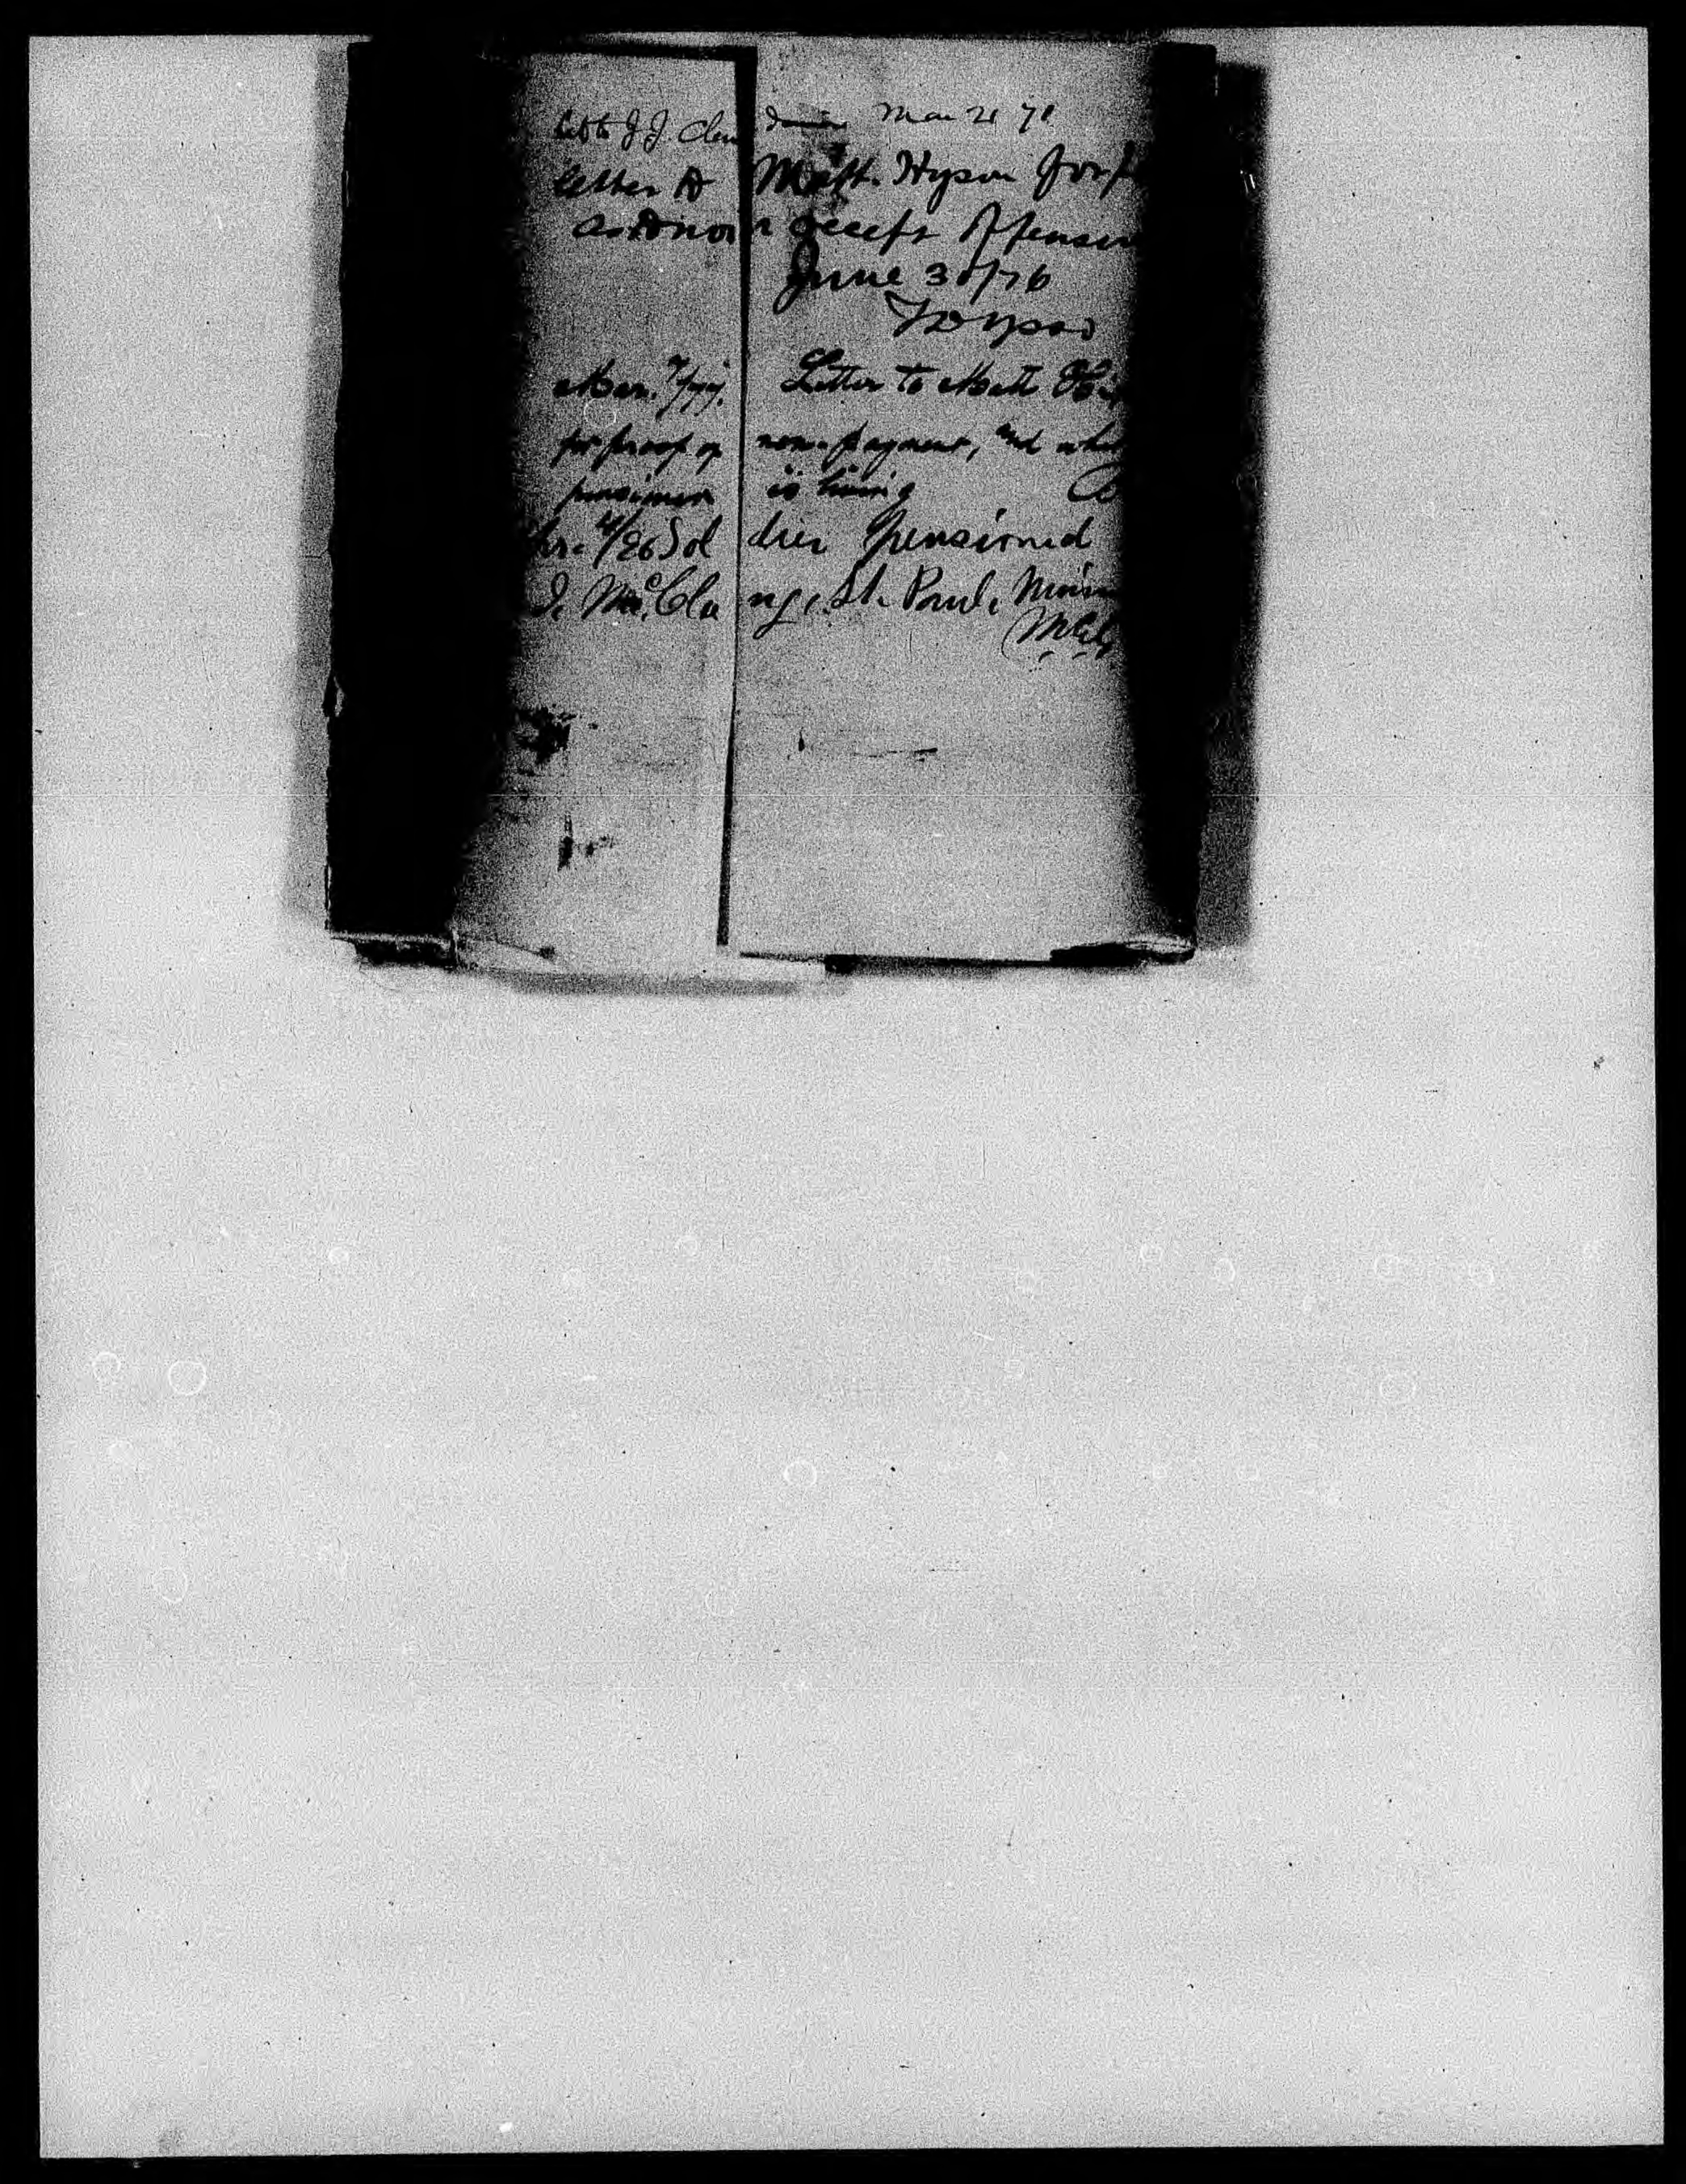[edge of page is discoloredtext particularly covered]

Let to  J J Clendown Mar 21 71
letter to Matt Hyson [illegible]
[illegible] offensive
June 3 of 76
J D Woods
Mar 7 /77 Letter to Matt [illegible]
for proof of [illegible] payment, and what
pensioner is living
pr. 4 / 86 Soldier pensioned 
ml. Mc Clung St Paul Min [illegible]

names: Paul [ILLEGIBLE]; Matt [ILLEGIBLE]; J J Clendown; Matt Hyson; T D Wood; J Mc Clung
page: 48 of 115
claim: widow's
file: W. 1446, for John Mc Clung, South Carolina